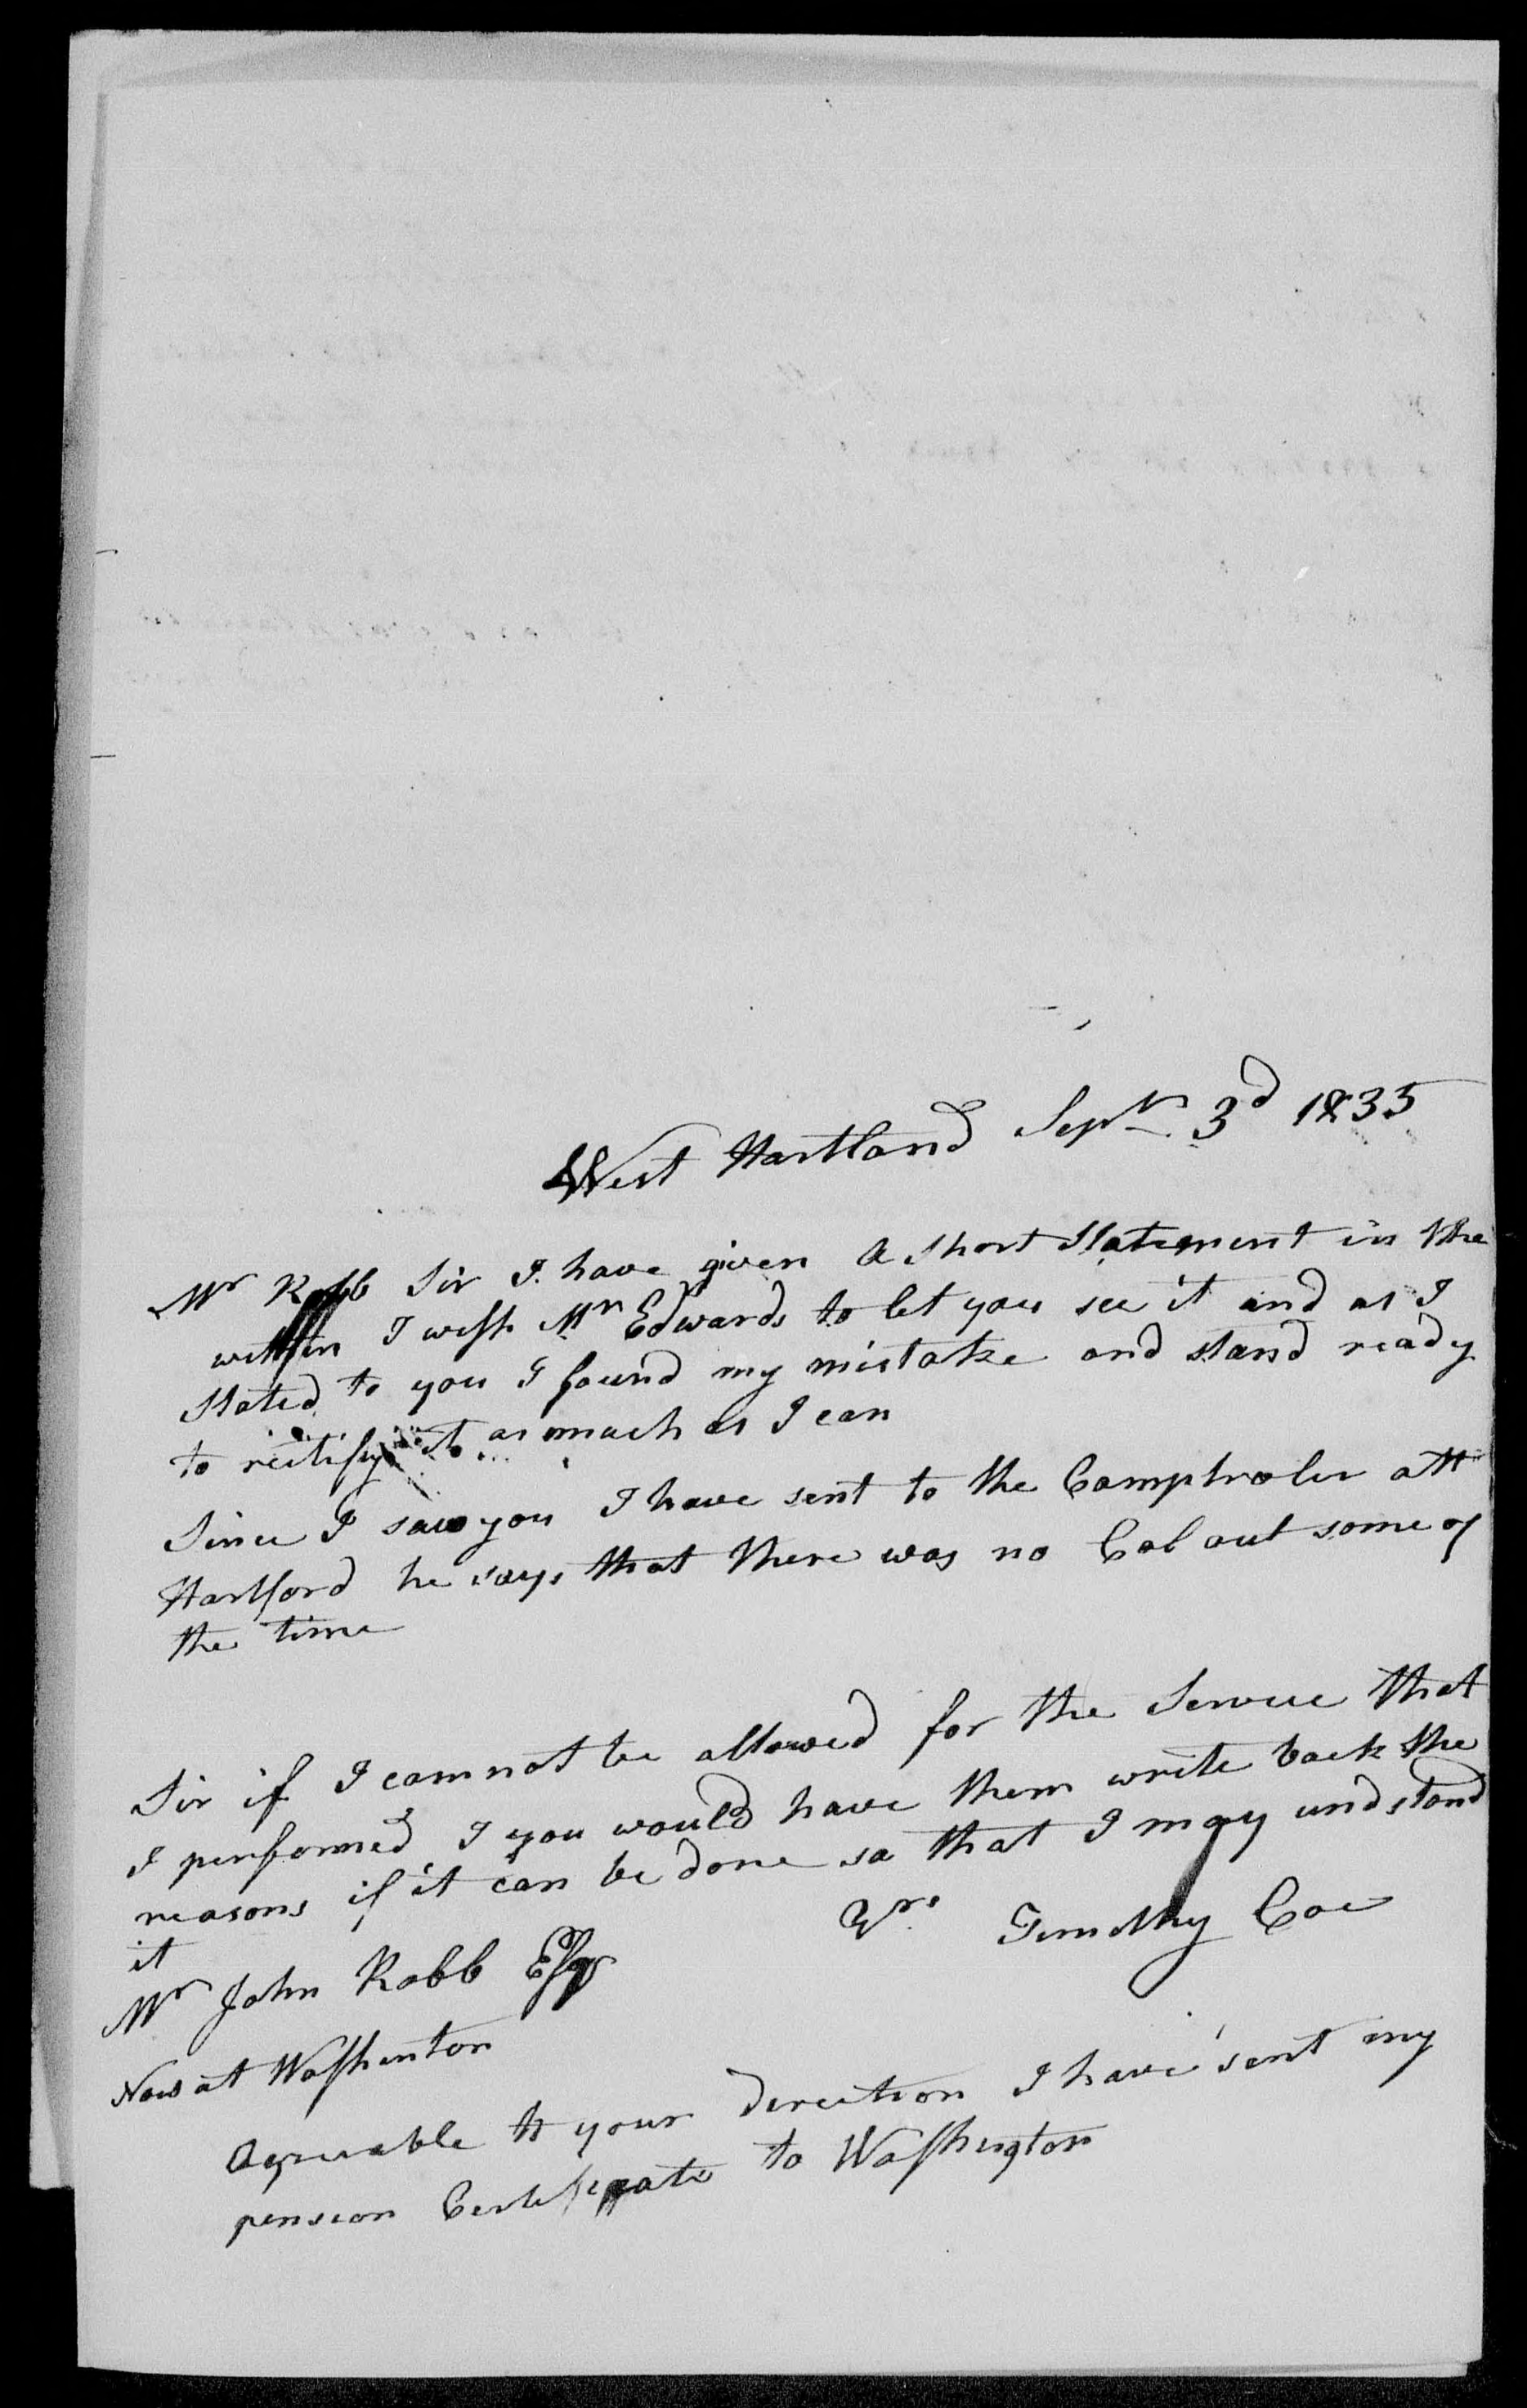West Hartland Sept 3d 1835

Mr Robb Sir I have given a short statement in the winter I wish Mr Edwards to let you see it and as I
stated to you I found my mistake and stand ready to rectify to as much as I can

Since I saw you I have sent to the Comptroler at Hartford
he says that there was no Colout some of Mr Ro
Now at
if I cannot be allowed for the service that
I performed
I you would have them
it
write back the
reason
if it can be done so that I may
and stand ┃
Mr John Robb
Ely
Gre
Timothy
Coe
Washinton
Agreable
to your
pension Certificate
direction I have sent my
to Washington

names: Robb, John Robb, Edwards, Timothy Coe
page: 28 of 76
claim: widow's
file: W. 5,250, Timothy Coe, Conn.